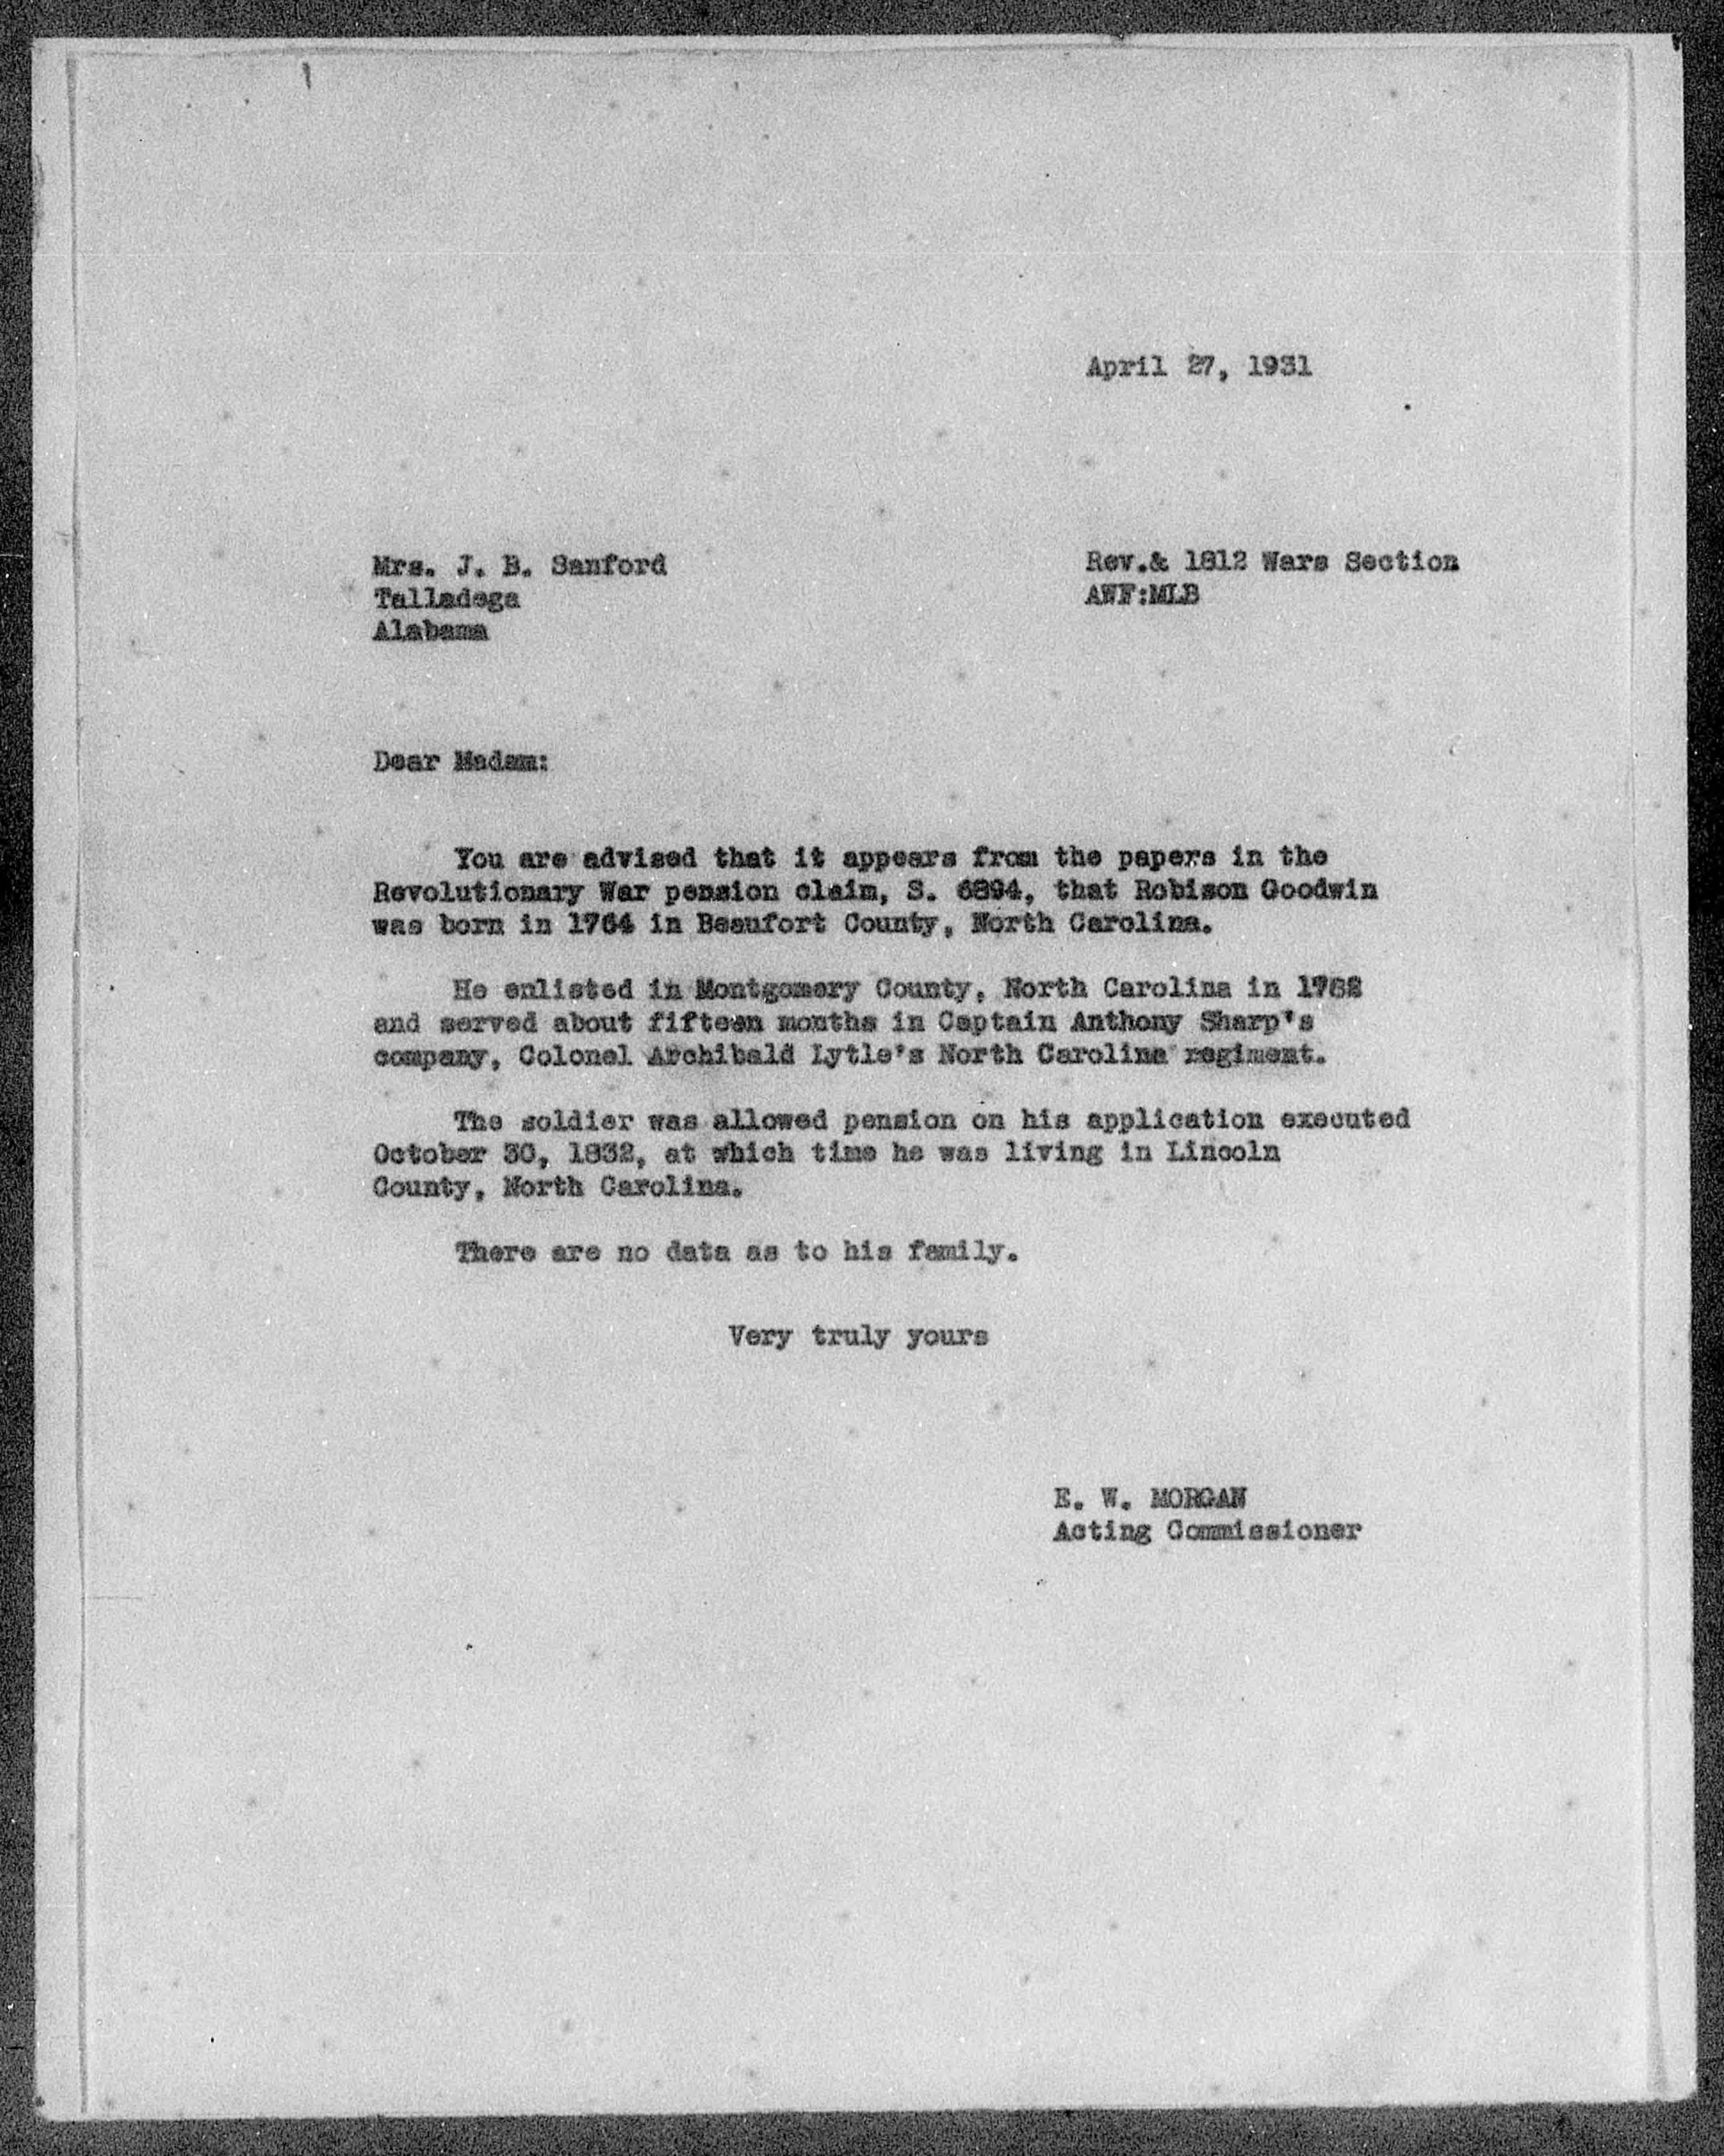April 27, 1931
Mrs. T. B. Sanford
Talladega
Alabama
Rev. & 1812 Wars Section
AWFMS

Dear Madam:
You are advised that it appears from the papers in the
Revolutionary War pension claim, S. 6894, that Robison Goodwin
was born in 1764 in Beaufort County, North Carolina.
He enlisted in Montgomery County, North Carolina in 1782
and served about fifteen months in Captain Anthony Sharp's
company, Colonel Archibald Lytle's North Carolina regiment.
The soldier was allowed pension on his application executed
October 30, 1832, at which time he was living in Lincoln
County, North Carolina.
There are no data as to his family.
Very truly yours
E. W. MORGAN
Acting Commissioner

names: Robison Goodwin, J B Sanford, E W Morgan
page: 12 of 16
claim: survivor's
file: S. 6,894, Robison Goodwin, N.C.